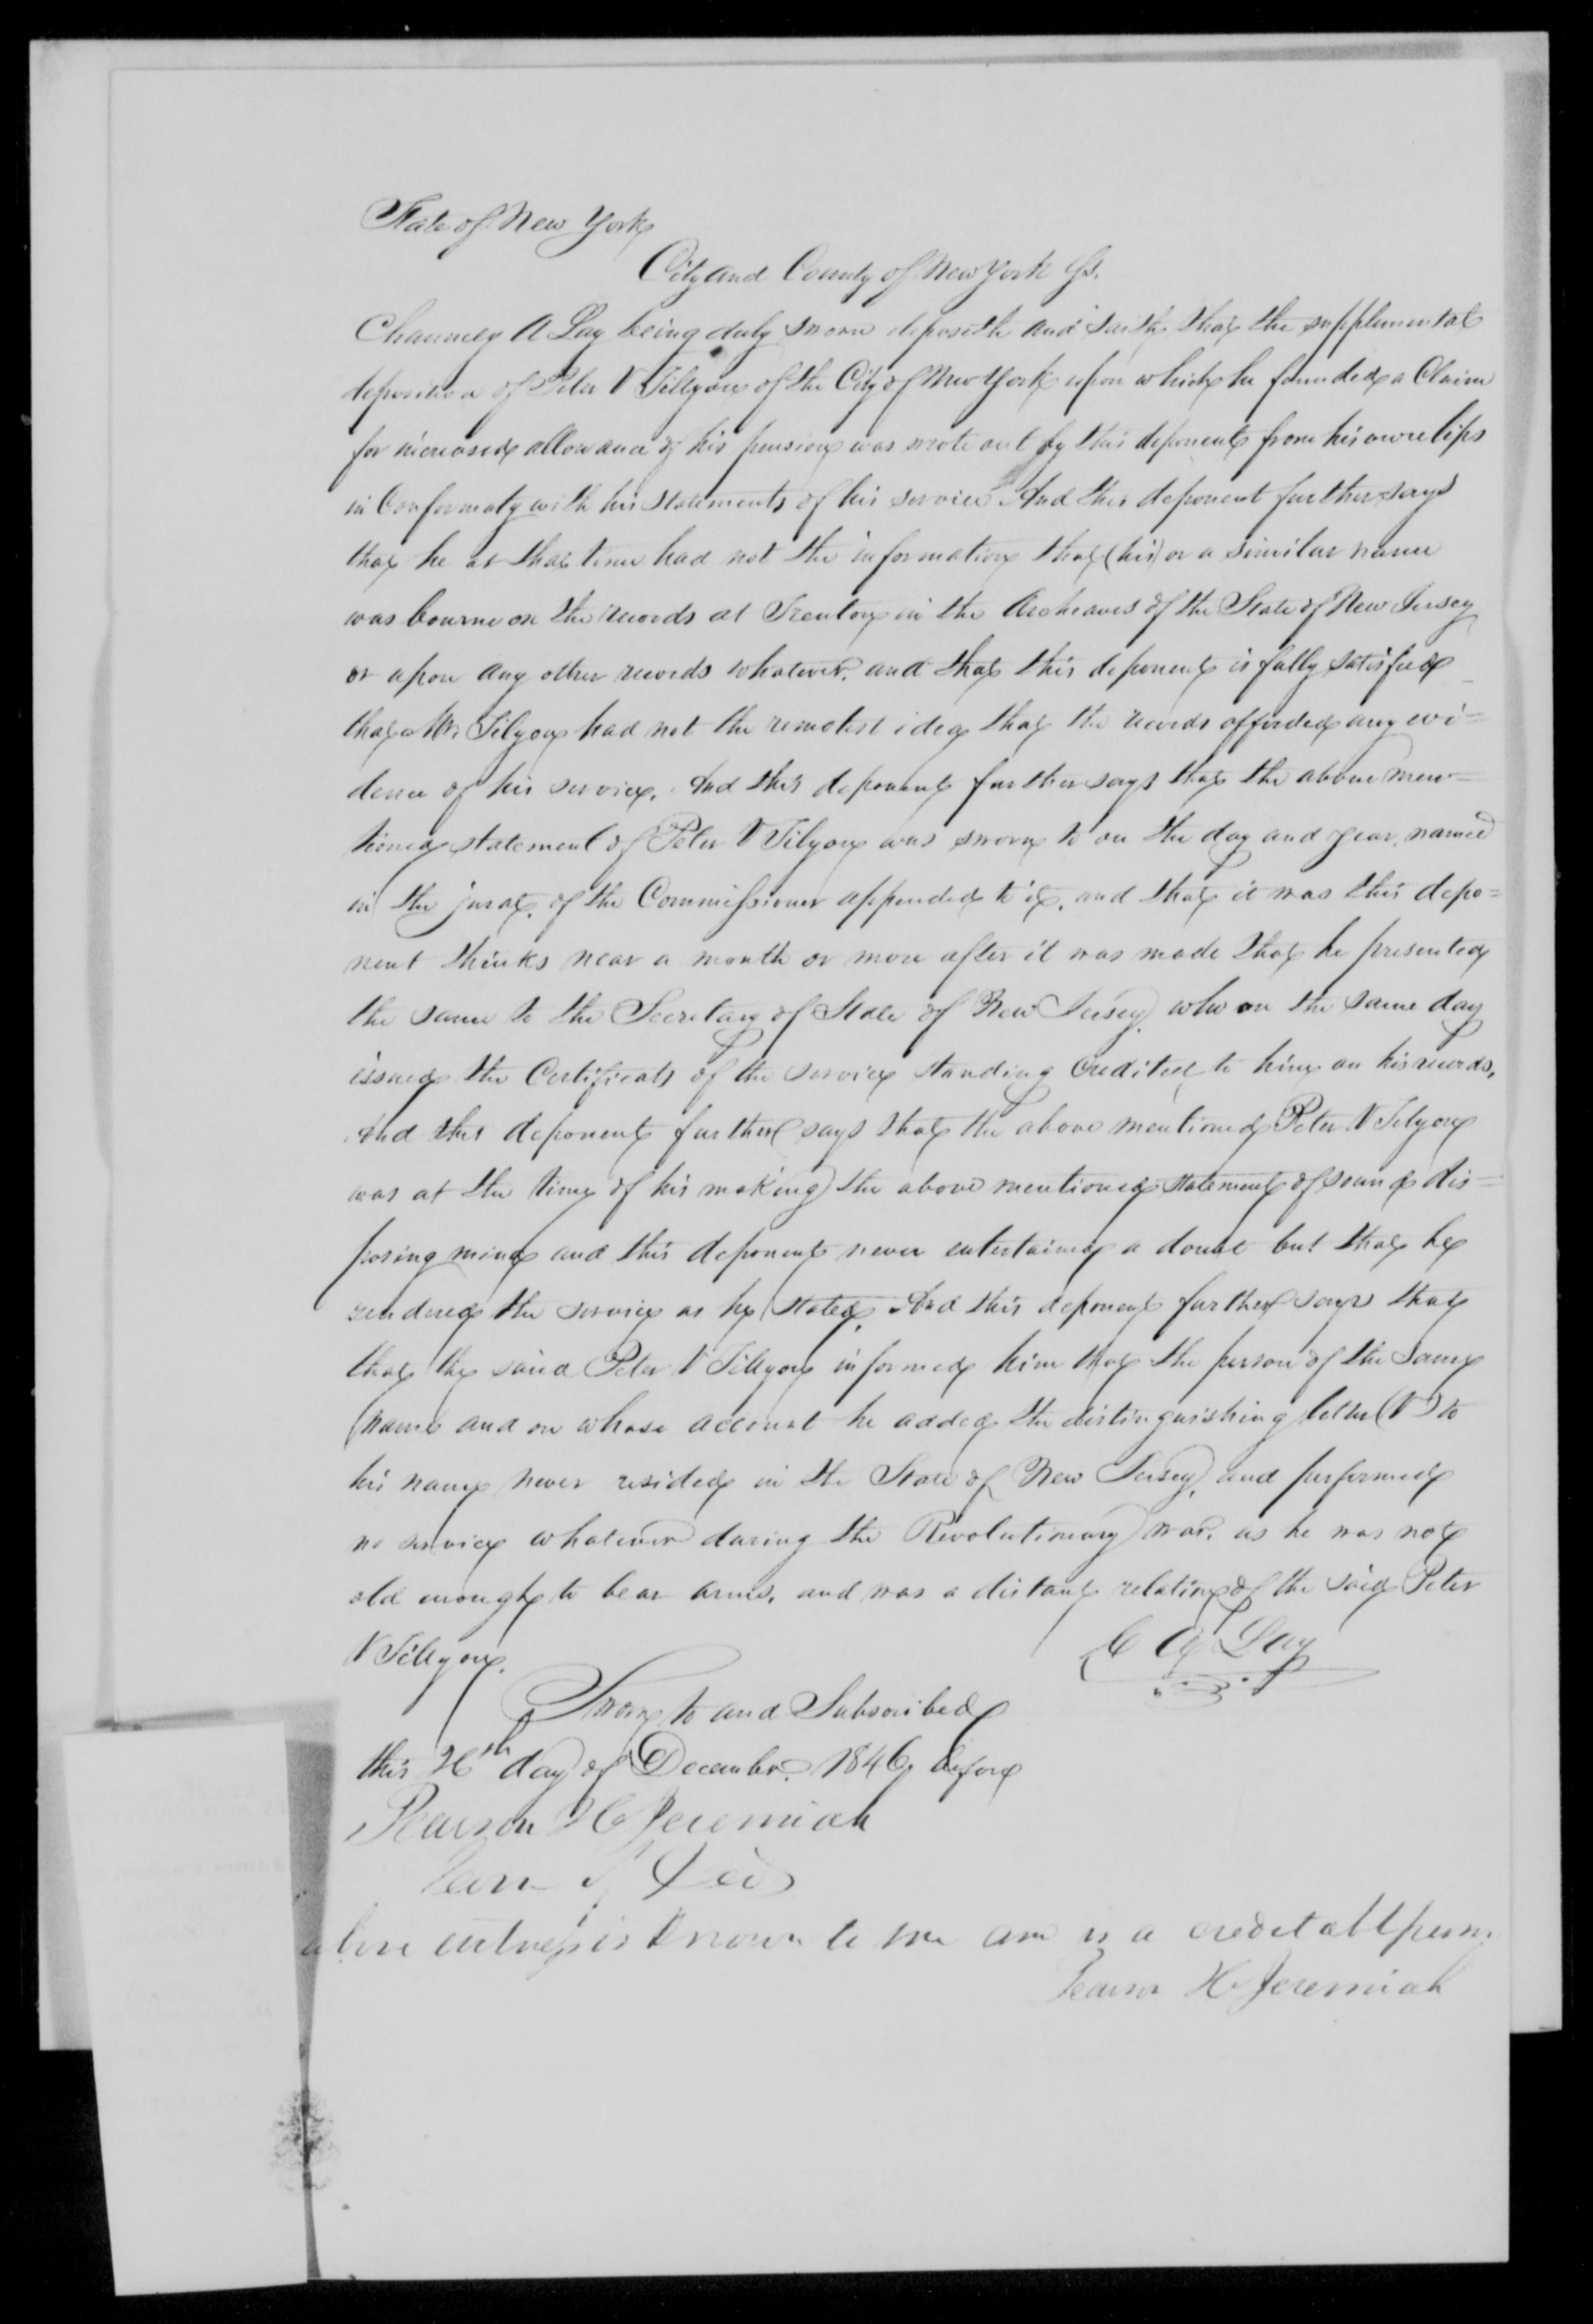State of New York
             City and County of New York SS

Chauncey A. Lay being duly sworn deposeth and saith that the supplemental deposition of Peter V. Tilyou of the City of New York upon which he founded a Claim for increased allowance of his person was wrote out by this deponent from his own lips in conformity with his statements of his service. And this deponent further says that he at that time had not the information that (his) or a similar name was bourne on the records at Trenton in the Archives of the State of New Jersey or upon any other records whatever, and that this deponent is fully satisfied that Mr. Tilyou had not the remotest idea that the records offered any evidence of his service. And this deponent further says that the above mentioned statement of Peter V. Tilyou was sworn to on the day and year named in the jurat of the Commissions appended to it  and it was this deponent thinks near a month or more after it was made that he presented the same to the Secretary of State of New Jersey who on the same day issued the Certificate of the [illegible] standing credited to him on his words. And the deponent further says that the above mentioned Peter V. Tilyou was at the time of his making the above mentioned statement of sound disposing mind and this deponent never entertained a doubt but that he rendered the service as he stated. And this deponent further says that the said Peter V. Tilyou informed him that the person of the same name and on whose account he added the distinguishing letter (V) to his name never resided in the State of New Jersey, and performed no service whatever during the Revolutionary War, as he was not old enough to bear arms, and was a distant relationship of the said Peter V. Tillyou.            C. A. Lay 
Sworn to and Subscribed
this 26th day of December 1846 before 
Pearson K Jeremiah
Com of Deeds
whose [witness? - writings] is known to me and is a credible person.

Pearson K. Jeremiah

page: 59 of 101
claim: widow's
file: W. 25481, for Peter V Tilyou, New Jersey